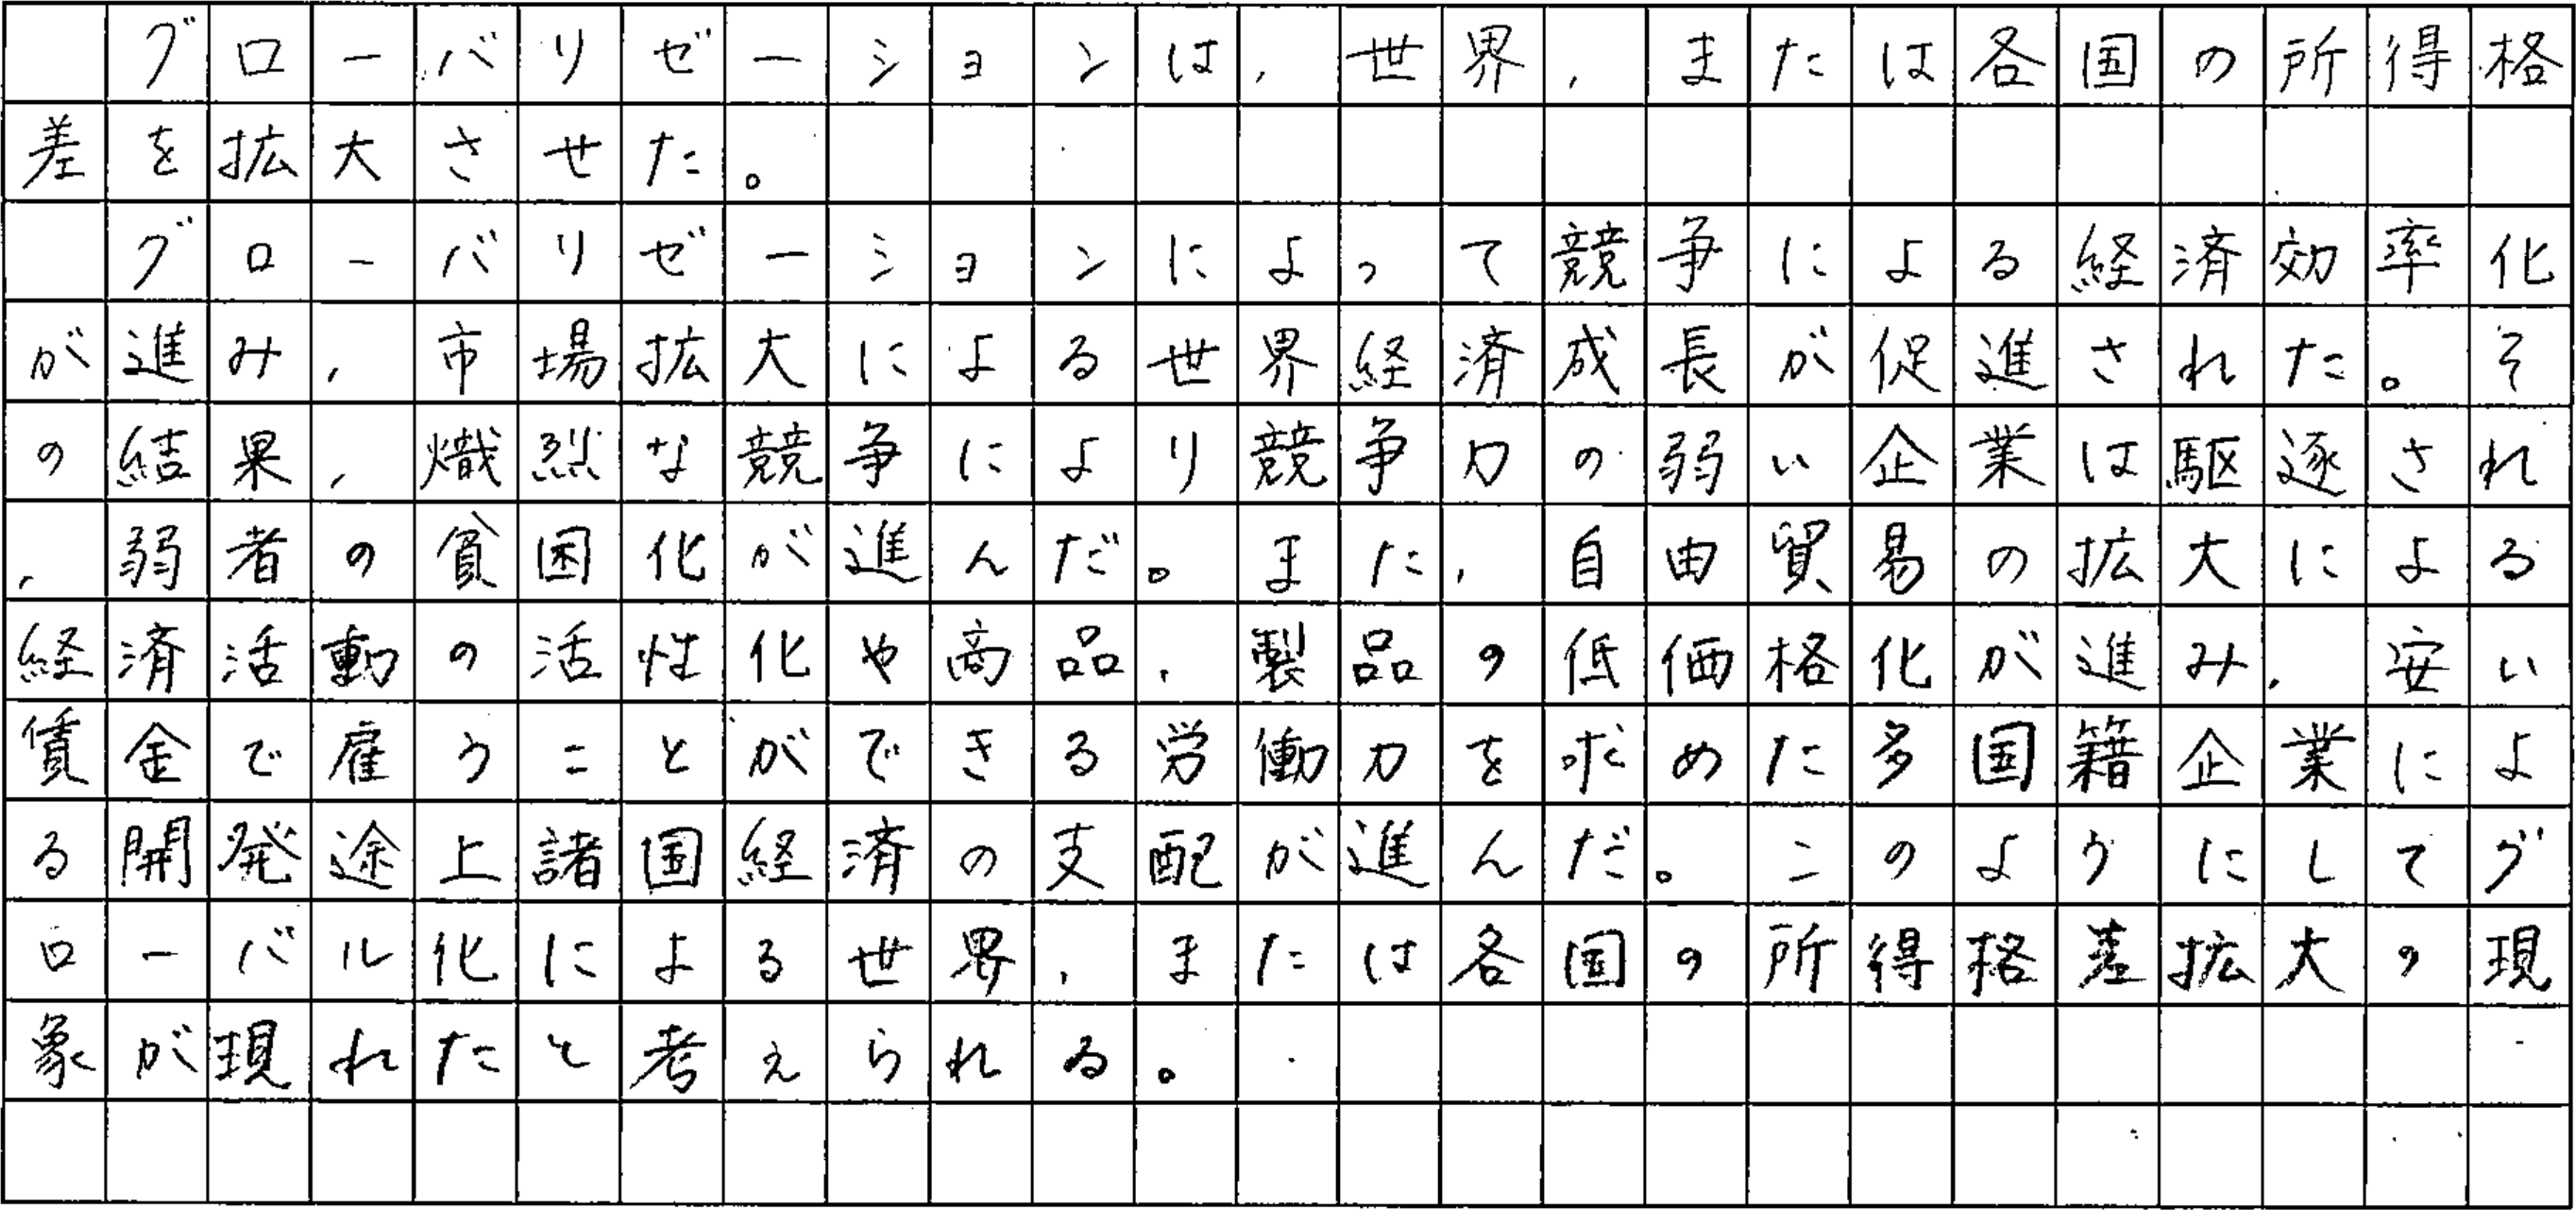　グローバリゼーションは、世界、または各国の所得格差を拡大させた。
　グローバリゼーションによって競争による経済効率化が進み、市場拡大による世界経済成長が促進された。その結果、熾烈な競争により競争力の弱い企業は駆逐され、弱者の貧困化が進んだ。また、自由貿易の拡大による経済活動の活性化や商品、製品の低価格化が進み、安い賃金で雇うことができる労働力を求めた多国籍企業による開発途上諸国経済の支配が進んだ。このようにしてグローバル化による世界、または各国の所得格差拡大の現象が現れたと考えられる。
